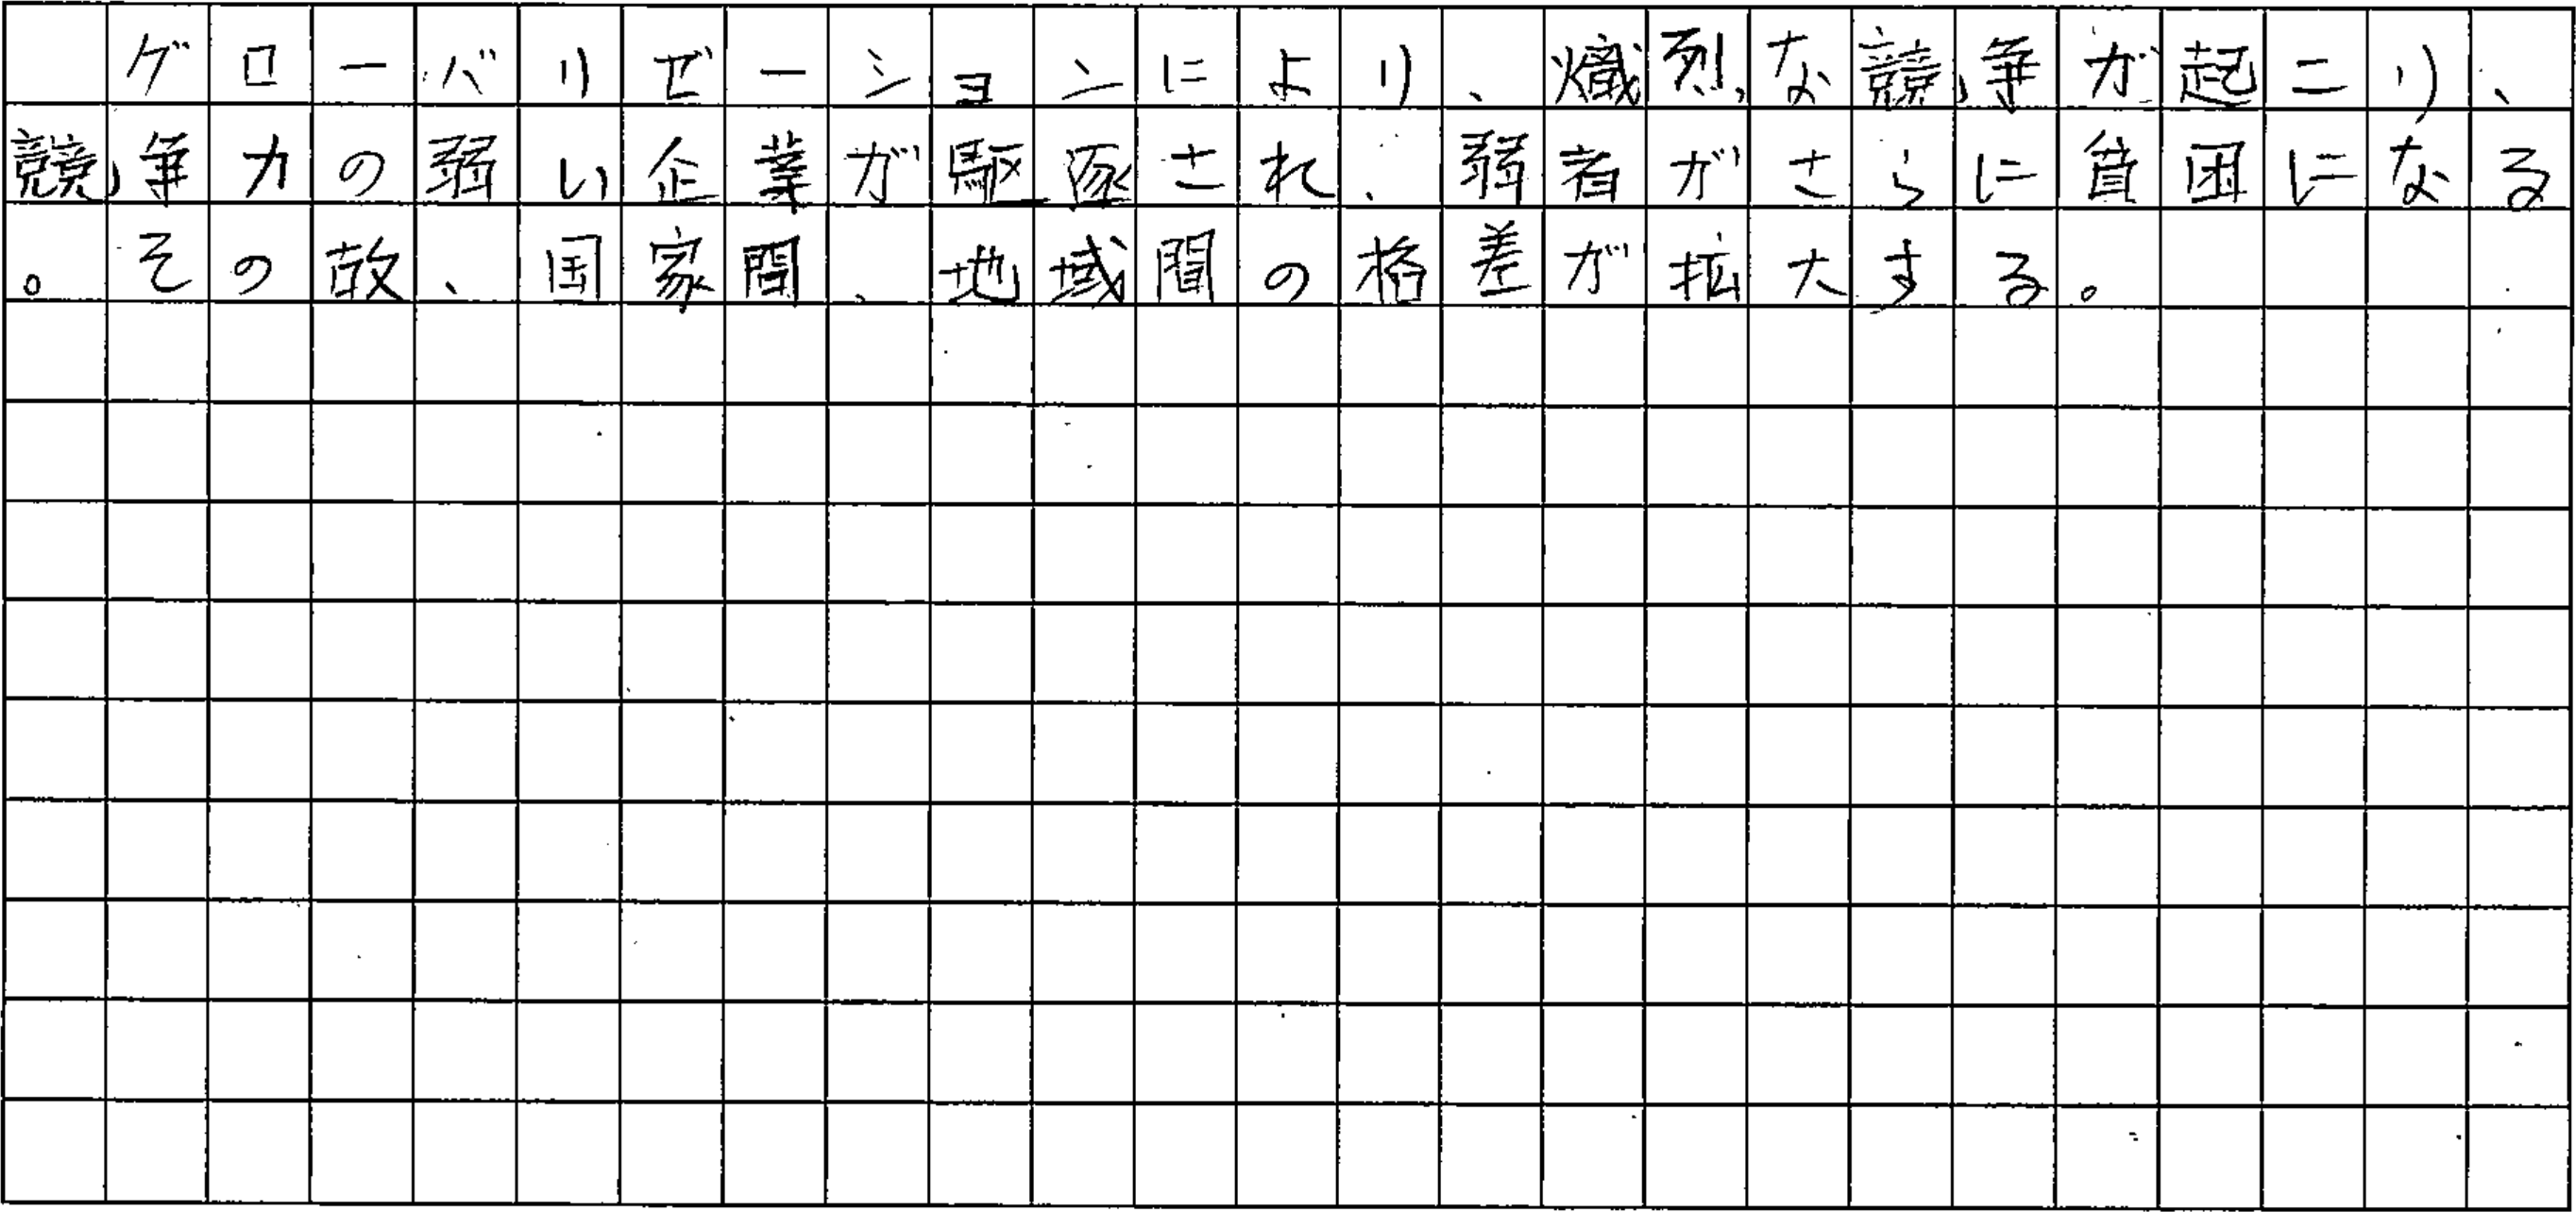　グローバリゼーションにより、熾烈な競争が起こり、競争力の弱い企業が駆逐され、弱者がさらに貧困になる。その故、国家間、地域間の格差が拡大する。
